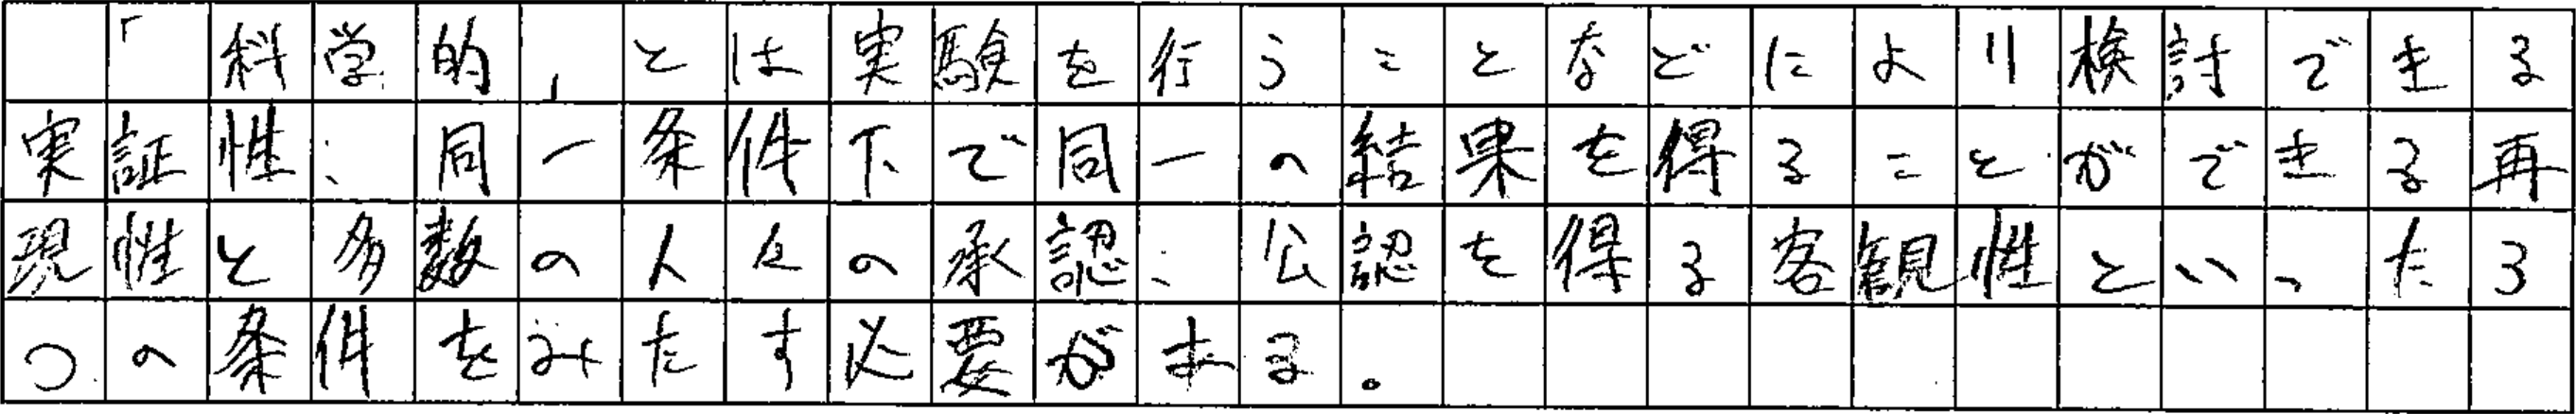　「科学的」とは実験を行うことなどにより検討できる実証性、同一条件下で同一の結果を得ることができる再現性と多数の人々の承認、公認を得る客観性といった３つの条件をみたす必要がある。
